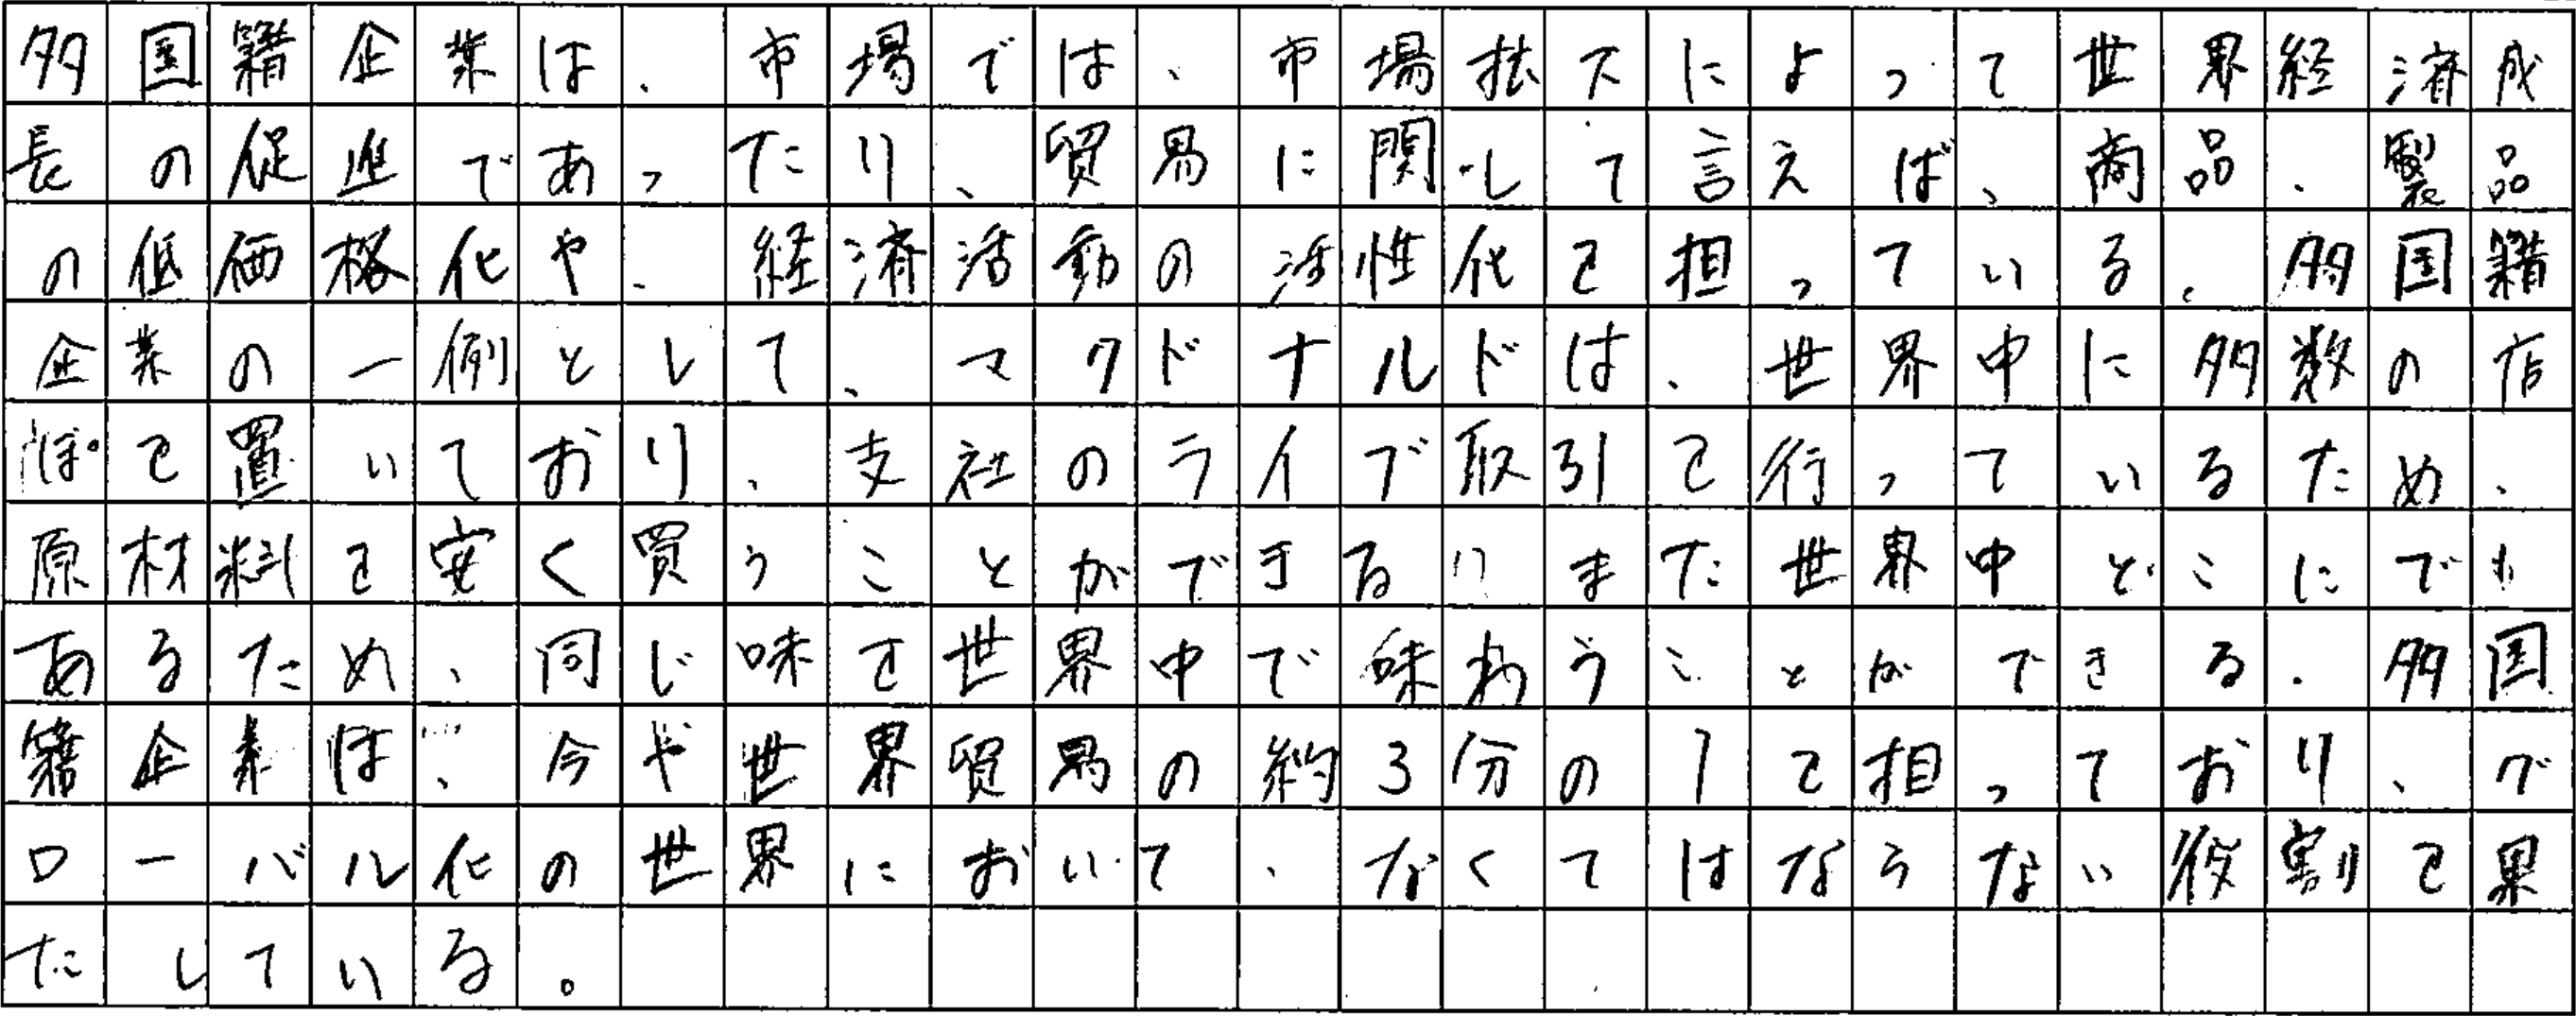多国籍企業は、市場では、市場拡大によって世界経済成長の促進であったり、貿易に関して言えば、商品、製品の低価格化や、経済活動の活性化を担っている。多国籍企業の一例として、マクドナルドは、世界中に多数の店ぽを置いており、支社のライブ取引を行っているため、原材料を安く買うことができる。また世界中どこにでもあるため、同じ味を世界中で味わうことができる。多国籍企業は、今や世界貿易の約３分の１を担っており、グローバル化の世界において、なくてはならない役割を果たしている。
